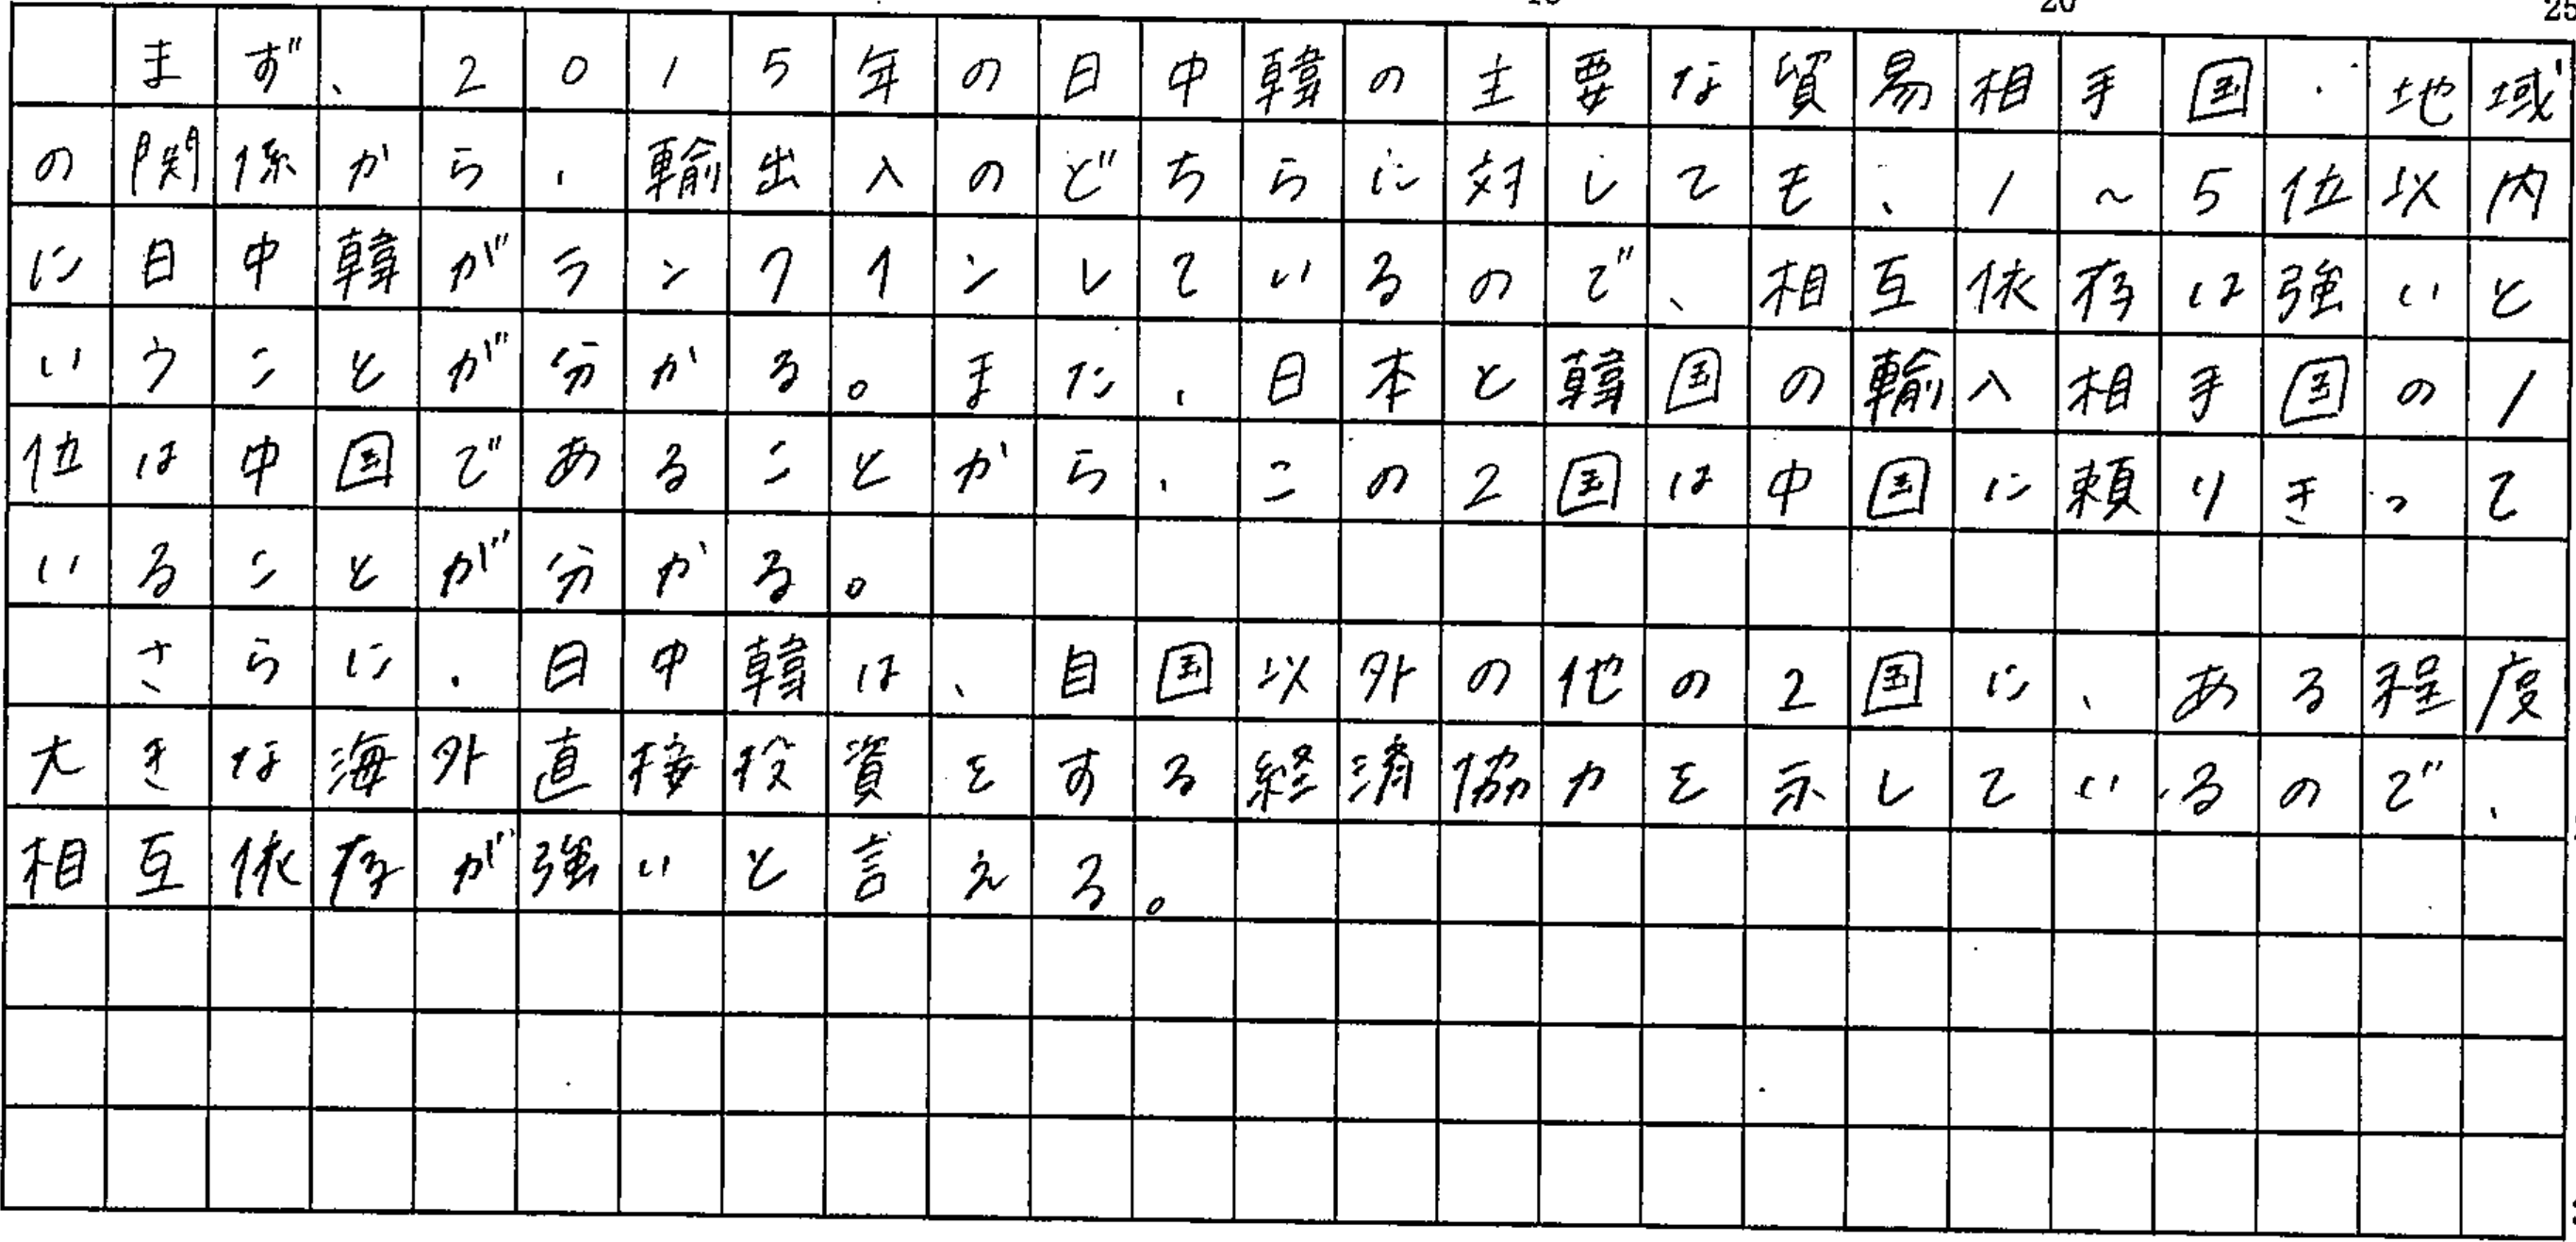　まず、２０１５年の日中韓の主要な貿易相手国・地域の関係から、輸出入のどちらに対しても、１～５位以内に日中韓がランクインしているので、相互依存は強いということが分かる。また、日本と韓国の輸入相手国の１位は中国であることから、この２国は中国に頼りきっていることが分かる。
　さらに、日中韓は、自国以外の他の２国に、ある程度大きな海外直接投資をする経済協力を示しているので、相互依存が強いと言える。
